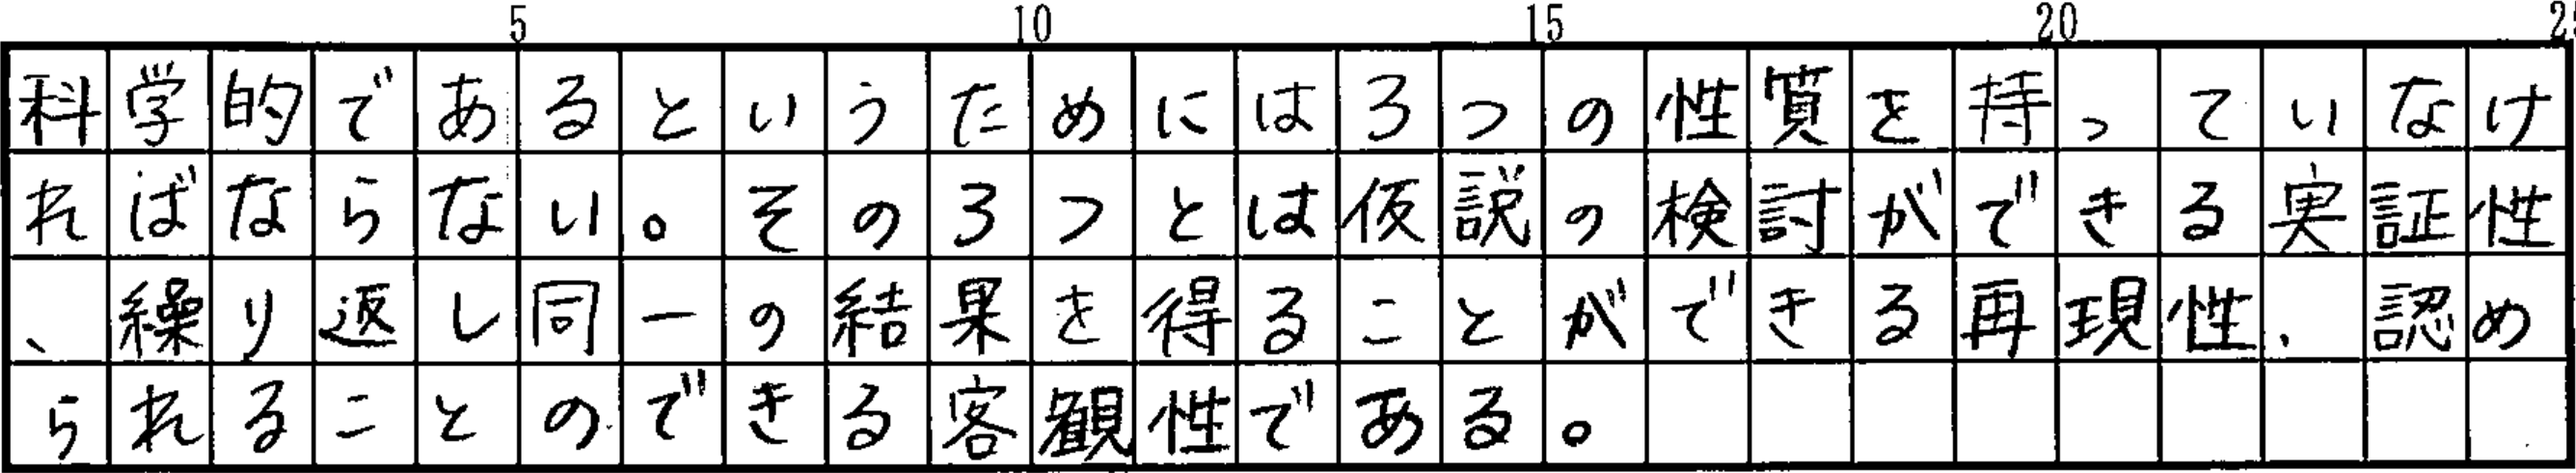科学的であるというためには３つの性質を持っていなければならない。その３つとは仮説の検討ができる実証性、繰り返し同一の結果を得ることができる再現性、認められることのできる客観性である。
